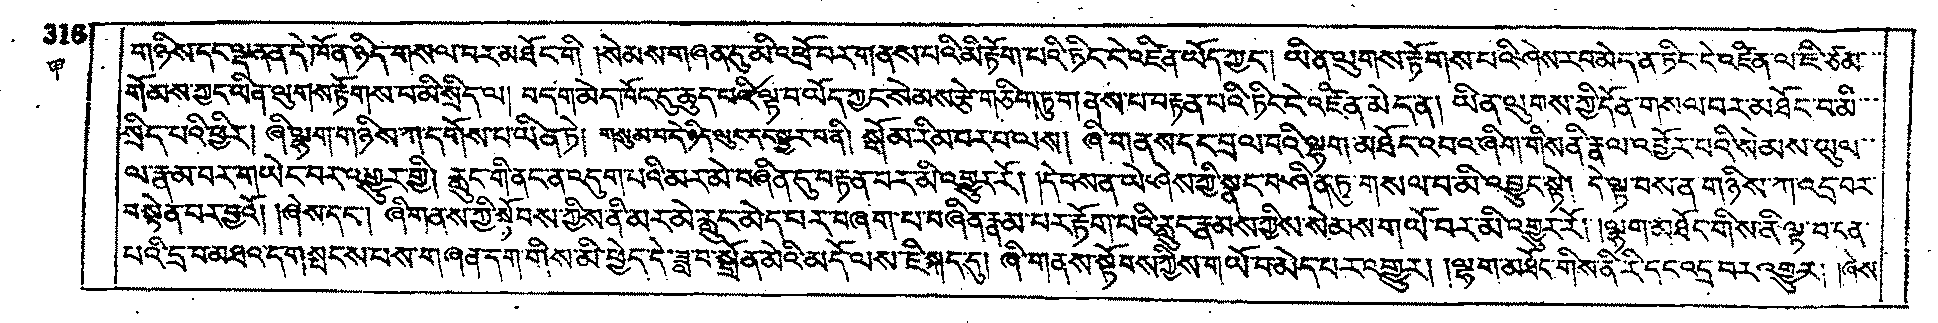གཉིས་དང་ལྡན་ན་དེ་ཁོ་ན་ཉིད་གསལ་བར་མཐོང་གི །སེམས་གཞན་དུ་མི་འཕྲོ་བར་གནས་པའི་མི་རྟོག་པའི་ཏིང་ངེ་འཛིན་ཡོད་ཀྱང་། ཡིན་ལུགས་རྟོགས་པའི་ཤེས་རབ་མེད་ན་ཏིང་ངེ་འཛིན་ལ་ཇི་ཙམ་
གོམས་ཀྱང་ཡིན་ལུགས་རྟོགས་པ་མི་སྲིད་ལ། བདག་མེད་ཁོང་དུ་ཆུད་པའི་ལྟ་བ་ཡོད་ཀྱང་སེམས་རྩེ་གཅིག་ཏུ་གནས་པ་བརྟན་པའི་ཏིང་ངེ་འཛིན་མེད་ན། ཡིན་ལུགས་ཀྱི་དོན་གསལ་བར་མཐོང་བ་མི་
སྲིད་པའི་ཕྱིར། ཞི་ལྷག་གཉིས་ཀ་དགོས་པ་ཡིན་ཏེ། གསུམ་པ་དེ་ཉིད་ལུང་དང་སྦྱར་བ་ནི།  སྒོམ་རིམ་བར་པ་ལས། ཞི་གནས་དང་བྲལ་བའི་ལྷག་མཐོང་འབའ་ཞིག་གིས་ནི་རྣལ་འབྱོར་པའི་སེམས་ཡུལ་
ལ་རྣམ་པར་གཡེང་བར་འགྱུར་གྱི། རླུང་གི་ནང་ན་འདུག་པའི་མར་མེ་བཞིན་དུ་བརྟན་པར་མི་འགྱུར་རོ། །དེ་བས་ན་ཡེ་ཤེས་ཀྱི་སྣང་བ་ཤིན་ཏུ་གསལ་བ་མི་འབྱུང་སྟེ། དེ་ལྟ་བས་ན་གཉིས་ཀ་འདྲ་བར་
བསྟེན་པར་བྱའོ། །ཞེས་དང་། ཞི་གནས་ཀྱི་སྟོབས་ཀྱིས་ནི་མར་མེ་རླུང་མེད་པར་བཞག་པ་བཞིན་རྣམ་པར་རྟོག་པའི་རླུང་རྣམས་ཀྱིས་སེམས་གཡོ་བར་མི་འགྱུར་རོ། །ལྷག་མཐོང་གིས་ནི་ལྟ་བ་ངན་
པའི་དྲ་བ་མཐའ་དག་སྤངས་པས་གཞན་དག་གིས་མི་ཕྱེད་དེ་ཟླ་བ་སྒྲོན་མེའི་མདོ་ལས་ཇི་སྐད་དུ། ཞི་གནས་སྟོབས་ཀྱིས་གཡོ་བ་མེད་པར་འགྱུར། །ལྷག་མཐོང་གིས་ནི་རི་དང་འདྲ་བར་འགྱུར། །ཞེས་